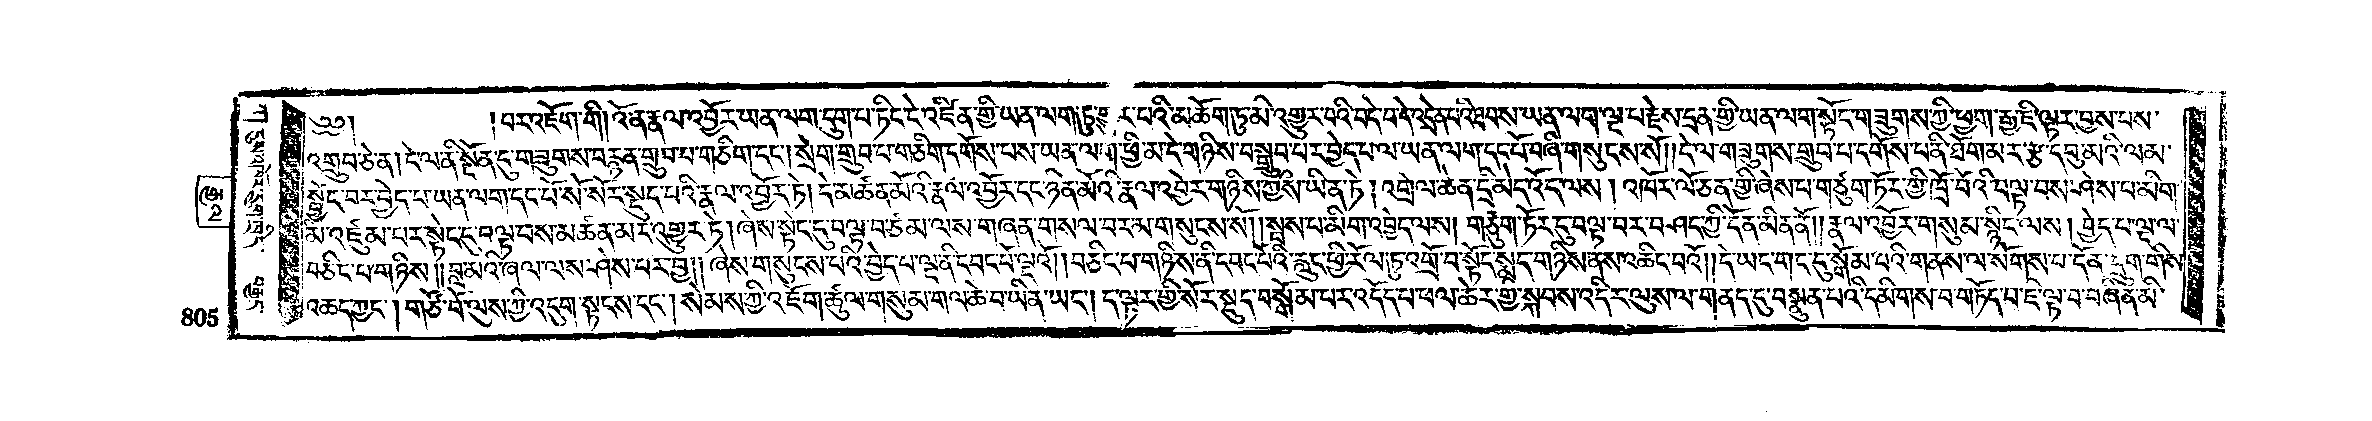༄༅། །བར་འཇོག་གི །འོ་ན་རྣལ་འབྱོར་ཡན་ལག་དྲུག་པ་ཏིང་ངེ་འཛིན་གྱི་ཡན་ལག་ཏུ་གྱུར་པའི་མཆོག་ཏུ་མི་འགྱུར་བའི་བདེ་བ་དེ་འདྲེན་པའི་ཐབས་ཡན་ལག་ལྔ་པ་རྗེས་དྲན་གྱི་ཡན་ལག་སྟོང་གཟུགས་ཀྱི་ཕྱག་རྒྱ་ཇི་ལྟར་བྱས་པས་
འགྲུབ་ཅེ་ན། དེ་ལ་ནི་སྔོན་དུ་གཟུགས་བརྙན་གྲུབ་པ་གཅིག་དང་། སྲོག་གྲུབ་པ་གཅིག་དགོས་པས་ཡན་ལག་ཕྱི་མ་དེ་གཉིས་བསྒྲུབ་པར་བྱེད་པ་ལ་ཡན་ལག་དང་པོ་བཞི་གསུངས་སོ། །དེ་ལ་གཟུགས་གྲུབ་པ་དགོས་པ་ནི་ཐོག་མར་རྩ་དབུ་མའི་ལམ་
སྦྱོང་བར་བྱེད་པ་ཡན་ལག་དང་པོ་སོ་སོར་སྡུད་པའི་རྣལ་འབྱོར་ཏེ། དེ་མཚན་མོའི་རྣལ་འབྱོར་དང་ཉིན་མོའི་རྣལ་འབྱོར་གཉིས་ཀྱིས་ཡིན་ཏེ། འགྲེལ་ཆེན་དྲི་མེད་འོད་ལས། འཁོར་ལོ་ཅན་གྱི་ཞེས་པ་གཙུག་ཏོར་གྱི་ཁྲོ་བོའི་བལྟ་བས་ཤེས་པ་མིག་
མི་འཛུམ་པར་སྟེང་དུ་བལྟ་བས་མཚན་མར་འགྱུར་ཏེ། ཞེས་སྟེང་དུ་བལྟ་བ་ཙམ་ལས་གཞན་གསལ་བར་མ་གསུངས་སོ། །སྦས་པ་མིག་འབྱེད་ལས། གཙུག་ཏོར་དུ་བལྟ་བར་བཤད་ཀྱི་དོན་མིན་ནོ། །རྣལ་འབྱོར་གསུམ་སྙིང་ལས། བྱེད་པ་ལྔ་ལ་
བཅིང་པ་གཉིས། །བླ་མའི་ཞལ་ལས་ཤེས་པར་བྱ། །ཞེས་གསུངས་པའི་བྱེད་པ་ལྔ་ནི་དབང་པོ་ལྔའོ། །བཅིང་པ་གཉིས་ནི་དབང་པོའི་རླུང་ཕྱི་རོལ་ཏུ་འགྲོ་བ་སྟོད་སྨད་གཉིས་ནས་འཆིང་བའོ། །དེ་ཡང་གང་དུ་སྒོམ་པའི་གནས་ལ་སོགས་པ་དོན་དྲུག་གིས་
འཆད་ཀྱང་། གཙོ་བོ་ལུས་ཀྱི་འདུག་སྟངས་དང་། སེམས་ཀྱི་འཇོག་ཚུལ་གསུམ་གལ་ཆེ་བ་ཡིན་ཡང་། ད་ལྟར་གྱི་སོར་སྡུད་བསྒོམ་པར་འདོད་པ་ཕལ་ཆེར་གྱི་སྐབས་འདིར་ལུས་ལ་གནད་དུ་བསྣུན་པའི་དམིགས་པ་གཏོད་པ་ཇི་ལྟ་བ་བཞིན་མི་